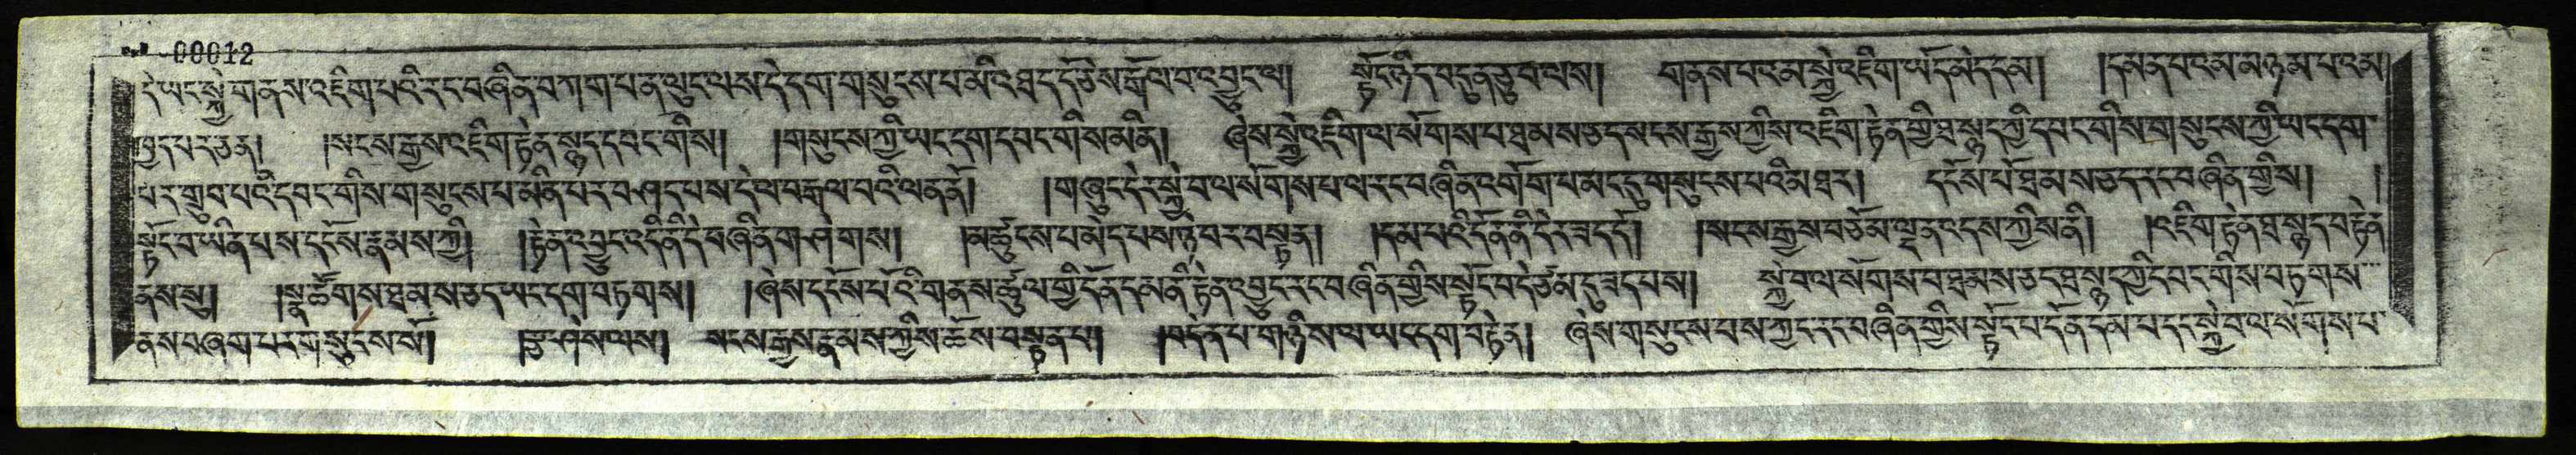དེ་ཡང་སྐྱེ་གནས་འཇིག་པའི་རང་བཞིན་བཀག་པ་ན་ལུང་ལས་དེ་དག་གསུངས་པ་མི་འཐད་དོ་ཅེས་རྒོལ་བ་འབྱུང་ལ། སྟོང་ཉིད་བདུན་ཅུ་པ་ལས། གནས་པའམ་སྐྱེ་འཇིག་ཡོད་མེད་དམ། །དམན་པའམ་མཉམ་པའམ་
ཁྱད་པར་ཅན། །སངས་རྒྱས་འཇིག་རྟེན་སྙད་དབང་གིས། །གསུངས་ཀྱི་ཡང་དག་དབང་གིས་མིན། ཞེས་སྐྱེ་འཇིག་ལ་སོགས་པ་ཐམས་ཅད་སངས་རྒྱས་ཀྱིས་འཇིག་རྟེན་གྱི་ཐ་སྙད་ཀྱི་དབང་གིས་གསུངས་ཀྱི་ཡང་དག་
པར་གྲུབ་པའི་དབང་གིས་གསུངས་པ་མིན་པར་བཤད་པས་དེ་ལ་བརྒལ་བའི་ལན་ནོ། །གཞུང་དེར་སྐྱེ་བ་ལ་སོགས་པ་ལ་རང་བཞིན་འགོག་པ་མང་དུ་གསུངས་པའི་མཐར། དངོས་པོ་ཐམས་ཅད་རང་བཞིན་གྱིས། །
སྟོང་པ་ཡིན་པས་དངོས་རྣམས་ཀྱི། །རྟེན་འབྱུང་འདི་ནི་དེ་བཞིན་གཤེགས། །མཚུངས་པ་མེད་པས་ཉེ་བར་བསྟན། །དམ་པའི་དོན་ནི་དེར་ཟད་དོ། །སངས་རྒྱས་བཅོམ་ལྡན་འདས་ཀྱིས་ནི། །འཇིག་རྟེན་ཐ་སྙད་བརྟེན་
ནས་སུ། །སྣ་ཚོགས་ཐམས་ཅད་ཡང་དག་བཏགས། །ཞེས་དངོས་པོའི་གནས་ཚུལ་གྱི་དོན་དམ་ནི་རྟེན་འབྱུང་རང་བཞིན་གྱིས་སྟོང་པ་དེ་ཙམ་དུ་ཟད་པས། སྐྱེ་བ་ལ་སོགས་པ་ཐམས་ཅད་ཐ་སྙད་ཀྱི་དབང་གིས་བཏགས་
ནས་བཞག་པར་གསུངས་སོ། །རྩ་ཤེས་ལས། སངས་རྒྱས་རྣམས་ཀྱིས་ཆོས་བསྟན་པ། །བདེན་པ་གཉིས་ལ་ཡང་དག་བརྟེན། ཞེས་གསུངས་པས་ཀྱང་རང་བཞིན་གྱིས་སྟོང་པ་དོན་དམ་པ་དང་སྐྱེ་བ་ལ་སོགས་པ་